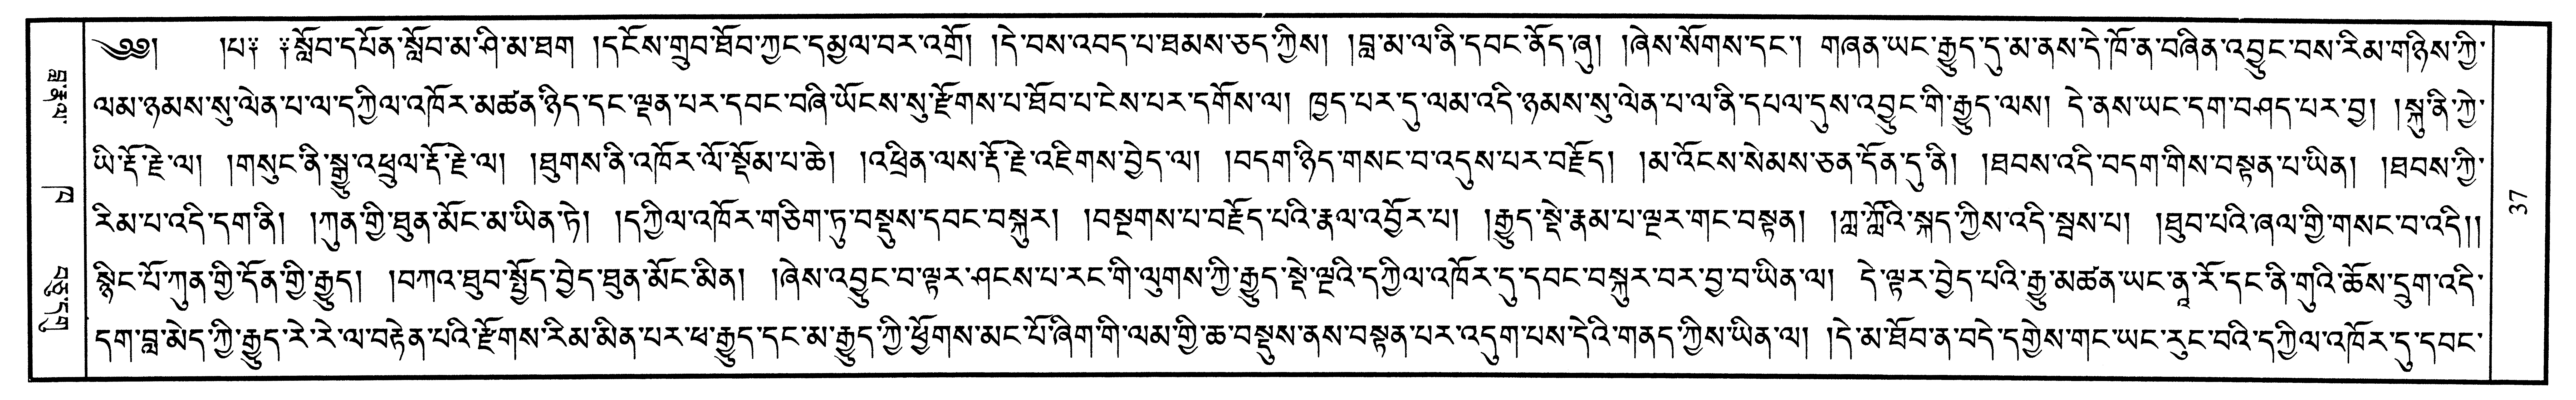༄༅། །པ༑ ༑སློབ་དཔོན་སློབ་མ་ཤི་མ་ཐག །དངོས་གྲུབ་ཐོབ་ཀྱང་དམྱལ་བར་འགྲོ། །དེ་བས་འབད་པ་ཐམས་ཅད་ཀྱིས། །བླ་མ་ལ་ནི་དབང་ནོད་ཞུ། །ཞེས་སོགས་དང་། གཞན་ཡང་རྒྱུད་དུ་མ་ནས་དེ་ཁོ་ན་བཞིན་འབྱུང་བས་རིམ་གཉིས་ཀྱི་
ལམ་ཉམས་སུ་ལེན་པ་ལ་དཀྱིལ་འཁོར་མཚན་ཉིད་དང་ལྡན་པར་དབང་བཞི་ཡོངས་སུ་རྫོགས་པ་ཐོབ་པ་ངེས་པར་དགོས་ལ། ཁྱད་པར་དུ་ལམ་འདི་ཉམས་སུ་ལེན་པ་ལ་ནི་དཔལ་དུས་འབྱུང་གི་རྒྱུད་ལས། དེ་ནས་ཡང་དག་བཤད་པར་བྱ། །སྐུ་ནི་ཀྱེ་
ཡི་རྡོ་རྗེ་ལ། །གསུང་ནི་སྒྱུ་འཕྲུལ་རྡོ་རྗེ་ལ། །ཐུགས་ནི་འཁོར་ལོ་སྡོམ་པ་ཆེ། །འཕྲིན་ལས་རྡོ་རྗེ་འཇིགས་བྱེད་ལ། །བདག་ཉིད་གསང་བ་འདུས་པར་བརྗོད། །མ་འོངས་སེམས་ཅན་དོན་དུ་ནི། །ཐབས་འདི་བདག་གིས་བསྟན་པ་ཡིན། །ཐབས་ཀྱི་
རིམ་པ་འདི་དག་ནི། །ཀུན་གྱི་ཐུན་མོང་མ་ཡིན་ཏེ། །དཀྱིལ་འཁོར་གཅིག་ཏུ་བསྡུས་དབང་བསྐུར། །བསྔགས་པ་བརྗོད་པའི་རྣལ་འབྱོར་པ། །རྒྱུད་སྡེ་རྣམ་པ་ལྔར་གང་བསྟན། །ཀླ་ཀློའི་སྐད་ཀྱིས་འདི་སྦས་པ། །ཐུབ་པའི་ཞལ་གྱི་གསང་བ་འདི།།
སྙིང་པོ་ཀུན་གྱི་དོན་གྱི་རྒྱུད། །བཀའ་ཐུབ་སྤྱོད་བྱེད་ཐུན་མོང་མིན། །ཞེས་འབྱུང་བ་ལྟར་ཤངས་པ་རང་གི་ལུགས་ཀྱི་རྒྱུད་སྡེ་ལྔའི་དཀྱིལ་འཁོར་དུ་དབང་བསྐུར་བར་བྱ་བ་ཡིན་ལ། དེ་ལྟར་བྱེད་པའི་རྒྱུ་མཚན་ཡང་ནཱ་རོ་དང་ནི་གུའི་ཆོས་དྲུག་འདི་
དག་བླ་མེད་ཀྱི་རྒྱུད་རེ་རེ་ལ་བརྟེན་པའི་རྫོགས་རིམ་མིན་པར་ཕ་རྒྱུད་དང་མ་རྒྱུད་ཀྱི་ཕྱོགས་མང་པོ་ཞིག་གི་ལམ་གྱི་ཆ་བསྡུས་ནས་བསྟན་པར་འདུག་པས་དེའི་གནད་ཀྱིས་ཡིན་ལ། །དེ་མ་ཐོབ་ན་བདེ་དགྱེས་གང་ཡང་རུང་བའི་དཀྱིལ་འཁོར་དུ་དབང་